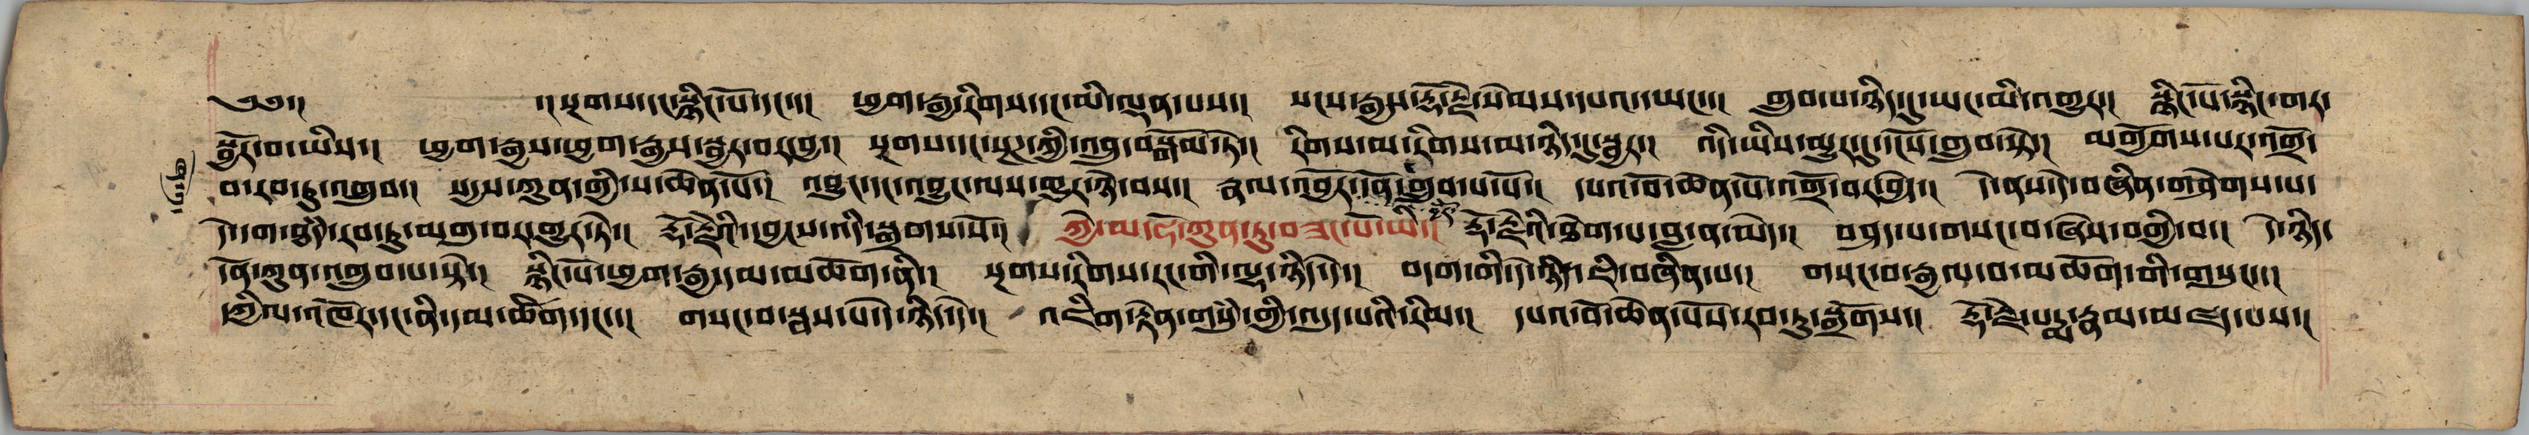༄༅་། ་།སྔགས་དང་སྙིང་པོ་དང་་། ཕྱག་རྒྱ་རིགས་དང་མི་ལྡན་པས་། སངས་རྒྱས་རྡོ་རྗེ་སེམས་དཔའ་ཡང་་། གྲུབ་པ་ཉིད་དུ་ཡང་མི་འགྱུར་། སྙིང་པོ་སྙིང་གར་
སྦྱོར་བ་ཡིས་། ཕྱག་རྒྱས་ཕྱག་རྒྱས་སྦྱར་བར་བྱ་། སྔགས་དང་སྔཌ་ཀྱི་འབྲུ་བསྒོམ་ཏེ་། རིགས་མ་རིགས་མ་ཉིད་དུ་སྦྱར་། འདི་ཡིས་མུར་དུ་དངོས་གྲུབ་སྟེ་། མགྱོགས་པར་འགྲོ་
བ་རབ་ཏུ་འགྲུབ་། སདྱས་ཀུན་གྱི་ས་ཆེན་པོ་། འབྱུང་དང་འབྱུང་ལས་གྱུར་ཉེ་བས་། རྣལ་འབྱོར་དོན་གྲུབ་པ་སོ་། དཔའ་བོ་ཆེན་པོ་འགྲོ་བར་བྱེད་། དེ་ནས་དེ་བཞིན་གཤེགས་པ་
དེ་དག་ཐདཾ་རབ་ཏུ་མགུ་བར་གྱུར་ཏེ་། རྡོ་རྗེའི་དབྱངས་འདི་སྒྲགས་སོ་། ཀྱེ་མ་ཧོ་ཀུན་ཏུ་བཟང་པོ་ཡི་། རྡོ་རྗེའི་ཐེག་པ་བླ་ན་མེད་། བཤད་པ་གསང་བ་ཞེས་བགྱི་བ་། དེ་ཉིད་
དོན་ཀུན་འགྲུབ་པ་སྟེ་། སྙིང་པོ་ཕྱག་རྒྱ་དམ་མཆོག་ནི་། སྔགས་རིགས་རང་གི་ལྷ་ཉིད་དེ་། བདག་གི་དེ་ཉིད་ཇི་བཞིན་པ་། གསང་བ་རྒྱལ་བ་མཆོག་གི་གསུང་་།
དཀྱིལ་འཁོར་དང་ནི་དམ་ཚིག་དང་་། གསང་བ་སྦས་པ་དེ་ཉིད་དེ་། འཇིག་རྟེན་གསུཾ་གྱི་འདུད་པའི་རིམ་། དཔའ་བོ་ཆེན་པོས་རབ་ཏུ་སྒྲོགས་། རྡོ་རྗེ་པདྨ་རྣམ་མཛད་པས་།